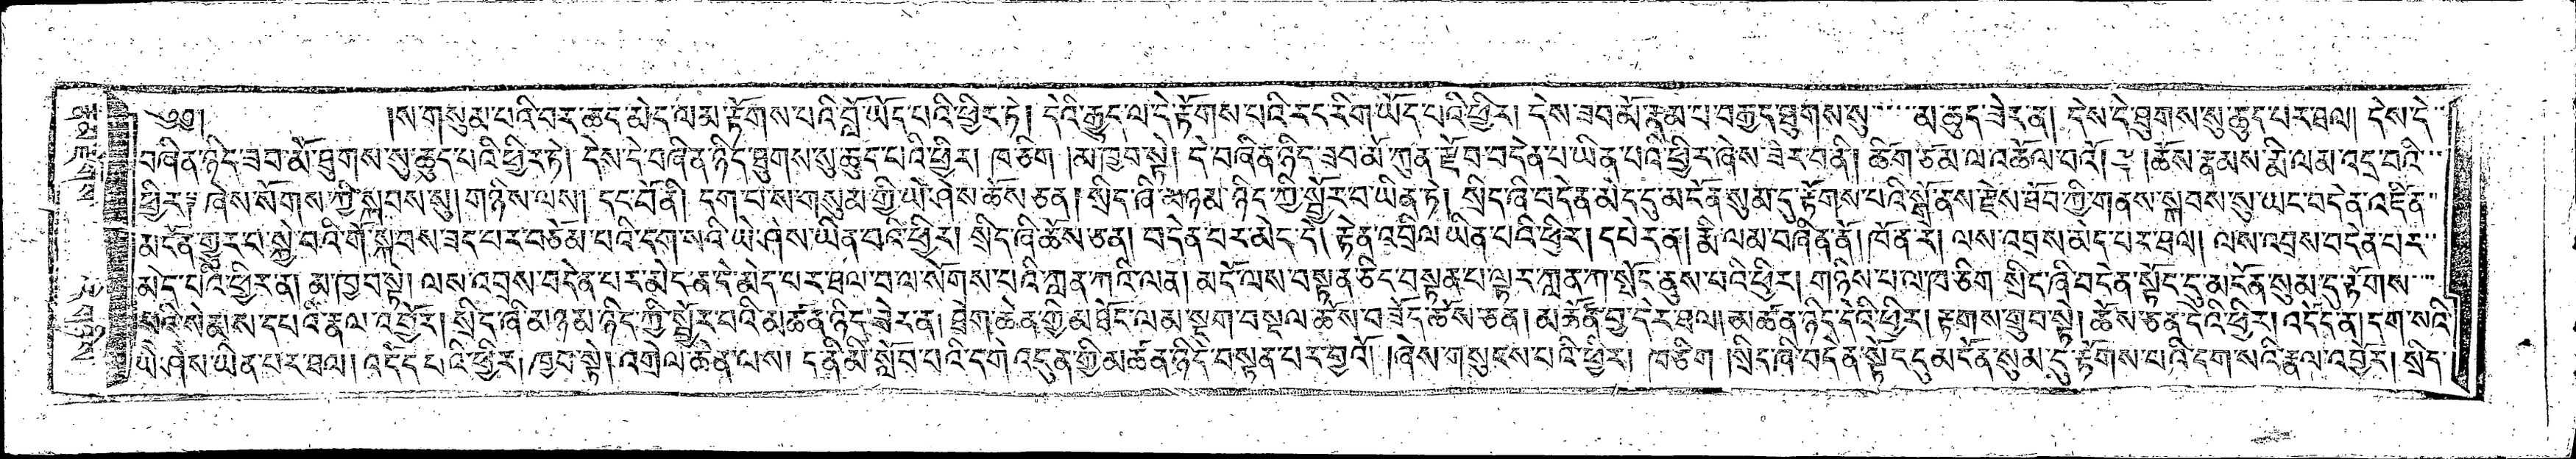༄༅། །ས་གསུམ་པའི་བར་ཆད་མེད་ལམ་རྟོགས་པའི་བློ་ཡོད་པའི་ཕྱིར་ཏེ། དེའི་རྒྱུད་ལ་དེ་རྟོགས་པའི་རང་རིག་ཡོད་པའི་ཕྱིར། དེས་ཟབ་མོ་རྣམ་པ་བརྒྱད་ཐུགས་སུ་མ་ཆུད་ཟེར་ན། དེས་དེ་ཐུགས་སུ་ཆུད་པར་ཐལ། དེས་དེ་
བཞིན་ཉིད་ཟབ་མོ་ཐུགས་སུ་ཆུད་པའི་ཕྱིར་ཏེ། དེས་དེ་བཞིན་ཉིད་ཐུགས་སུ་ཆུད་པའི་ཕྱིར། ཁ་ཅིག །མ་ཁྱབ་སྟེ། དེ་བཞིན་ཉིད་ཟབ་མོ་ཀུན་རྫོབ་བདེན་པ་ཡིན་པའི་ཕྱིར་ཞེས་ཟེར་བ་ནི། ཚིག་ཙམ་ལ་འཚོལ་བའོ། ༈ །ཆོས་རྣམས་རྨི་ལམ་འདྲ་བའི་
ཕྱིར༑ ཞེས་སོགས་ཀྱི་སྐབས་སུ། གཉིས་ལས། དང་བོ་ནི། དག་པ་ས་གསུམ་གྱི་ཡེ་ཤེས་ཆོས་ཅན། སྲིད་ཞི་མཉམ་ཉིད་ཀྱི་སྦྱོར་བ་ཡིན་ཏེ། སྲིད་ཞི་བདེན་མེད་དུ་མངོན་སུམ་དུ་རྟོགས་པའི་སྒོ་ནས་རྗེས་ཐོབ་ཀྱི་གནས་སྐབས་སུ་ཡང་བདེན་འཛིན་
མངོན་གྱུར་པ་སྐྱེ་བའི་གོ་སྐབས་ཟད་པར་བཅོམ་པའི་དག་སའི་ཡེ་ཤེས་ཡིན་པའི་ཕྱིར། སྲིད་ཞི་ཆོས་ཅན། བདེན་པར་མེད་དེ། རྟེན་འབྲེལ་ཡིན་པའི་ཕྱིར། དཔེར་ན། རྨིན་ལམ་བཞིན་ནོ། ཁོ་ན་རེ། ལས་འབྲས་མེད་པར་ཐལ། ལས། འབྲས་བདེན་པ་
མེད་པའི་ཕྱིར་ན། མ་ཁྱབ་སྟེ། ལས་འབྲས་བདེན་པར་མེད་ན་དེ་མེད་པར་ཐལ་བ་ལ་སོགས་པའི་ཀླན་ཀའི་ལན། མདོ་ལས་བསྟན་ཅིང་བསྟན་པ་ལྟར་ཀླན་ཀ་སྤོན་གནུས་པའི་ཕྱིར། གཉིས་པ་ལ་ཁ་ཅིག། སྲིད་ཞི་བདེན་སྟོང་དུ་མངོན་སུམ་དུ་རྟོགས་
པའི་སེམས་དཔའི་རྣལ་འབྱོར། སྲིད་ཞི་མཉམ་ཉིད་ཀྱི་སྦྱོར་བའི་མཚན་ཉིད་ཟེར་ན། ཐེག་ཆེན་གྱི་མཐོང་ལམ་སྡུག་བསྔལ་ཆོས་བཟོད་ཆོས་ཅན། མཚོན་བྱ་དེར་ཐལ། མཚན་ཉིད་དེའི་ཕྱིར། རྟགས་གྲུབ་སྟེ། ཆོས་ཅན་དེའི་ཕྱིར། འདོད་ན། དག་སའི་
ཡེ་ཤེས་ཡིན་པར་ཐལ། འདོད་པའི་ཕྱིར། ཁྱབ་སྟེ། འགྲེལ་ཆེན་ལས། ད་ནི་མི་སློབ་པའི་དགེ་འདུན་གྱི་མཚན་ཉིད་བསྟན་པར་བྱའོ། །ཞེས་གསུངས་པའི་ཕྱིར། ཁ་ཅིག །སྲིད་ཞི་བདེན་སྟོང་དུ་མངོན་སུམ་དུ་རྟོགས་པའི་དག་སའི་རྣལ་འབྱོར། སྲིད་